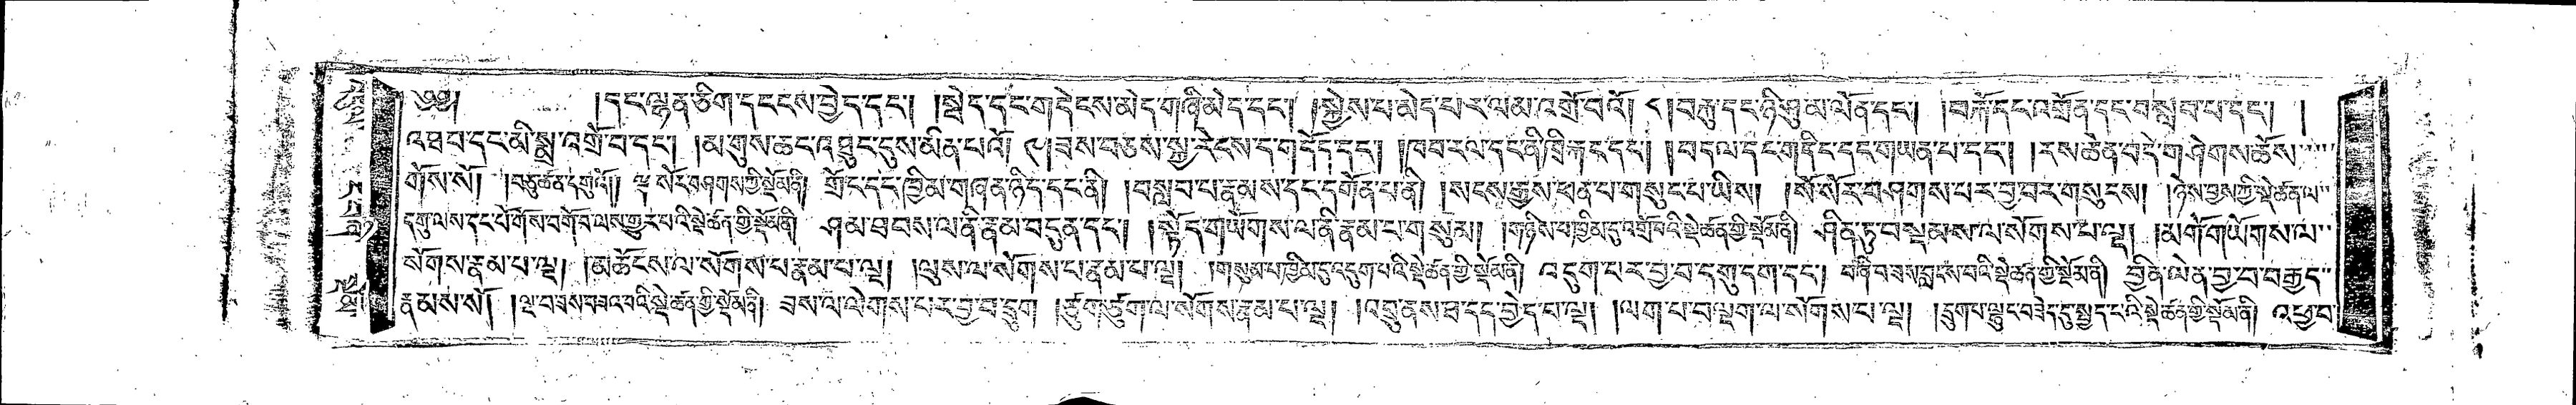༄༅། །དང་ལྷན་ཅིག་དངངས་བྱེད་དང་། །སྦེད་དང་གདེངས་མེད་གཞི་མེད་དང་། །སྐྱེས་པ་མེད་པར་ལམ་འགྲོ་བའོ། །བརྐུ་དང་ཉི་ཤུ་མ་ལོན་དང་། །བརྐོ་དང་འགྲོན་དང་བསླབ་པ་དང་། །
འཐབ་དང་མི་སྨྲ་འགྲོ་བ་དང་། །མ་གུས་ཆང་འཐུང་དུས་མིན་པའོ། །ཟས་བཅས་སྐྱ་རེངས་ད་གདོད་དང་། །ཁབ་རལ་དང་ནི་ཁྲི་རྐང་དང་། །བདལ་དང་གདིང་དང་གཡན་པ་དང་། །རས་ཆེན་བདེ་གཤེགས་ཆོས་
གོས་སོ། །བཅུ་ཚན་དགུའོ།། ༈ སོར་བཤགས་ཀྱི་སྡོམ་ནི། གྲོང་དང་ཁྱིམ་གཞན་ཉིད་དང་ནི། །བསླབ་པ་རྣམས་དང་དགོན་པ་ནི། །སངས་རྒྱས་ཕན་པ་གསུང་པ་ཡིས། །སོ་སོར་བཤགས་པར་བྱ་བར་གསུངས། །ཉེས་བྱས་ཀྱི་སྡེ་ཚན་ལ་
དགུ་ལས་དང་པོ་གོས་བགོ་བ་ལས་གྱུར་པའི་སྡེ་ཚན་གྱི་སྡོམ་ནི། ཤམ་ཐབས་ལ་ནི་རྣམ་བདུན་དང་། །སྟོད་གཡོགས་ལ་ནི་རྣམ་པ་གསུམ། །གཉིས་པ་ཁྱིམ་དུ་འགྲོ་བའི་སྡེ་ཚན་གྱི་སྡོམ་ནི། ཤིན་ཏུ་བསྡམས་ལ་སོགས་པ་ལྔ། །མགོ་གཡོགས་ལ་
སོགས་རྣམ་པ་ལྔ། །མཆོངས་ལ་སོགས་པ་རྣམ་པ་ལྔ། །ལུས་ལ་སོགས་པ་རྣམ་པ་ལྔ། །གསུམ་པ་ཁྱིམ་དུ་འདུག་པའི་སྡེ་ཚན་གྱི་སྡོམ་ནི། འདུག་པར་བྱ་བ་དགུ་དག་དང་། བཞི་བ་ཟས་བླངས་བའི་སྡེ་ཚན་གྱི་སྡོམ་ནི། བྱིན་ལེན་བྱ་བ་བརྒྱད་
རྣམས་སོ། །ལྔ་བ་ཟས་བཟའ་བའི་སྡེ་ཚན་གྱི་སྡོམ་ནི། ཟས་ལ་ལེགས་པར་བྱ་བ་དྲུག །ཙུག་ཙུག་ལ་སོགས་རྣམ་པ་ལྔ། །འབྲུ་ནས་ཐ་དད་བྱེད་པ་ལྔ། །ལག་པ་བལྡག་ལ་སོགས་པ་ལྔ། །དྲུག་པ་ལྷུང་བཟེད་དུ་སྤྱད་པའི་སྡེ་ཚན་གྱི་སྡོམ་ནི། འཕྱ་བ་